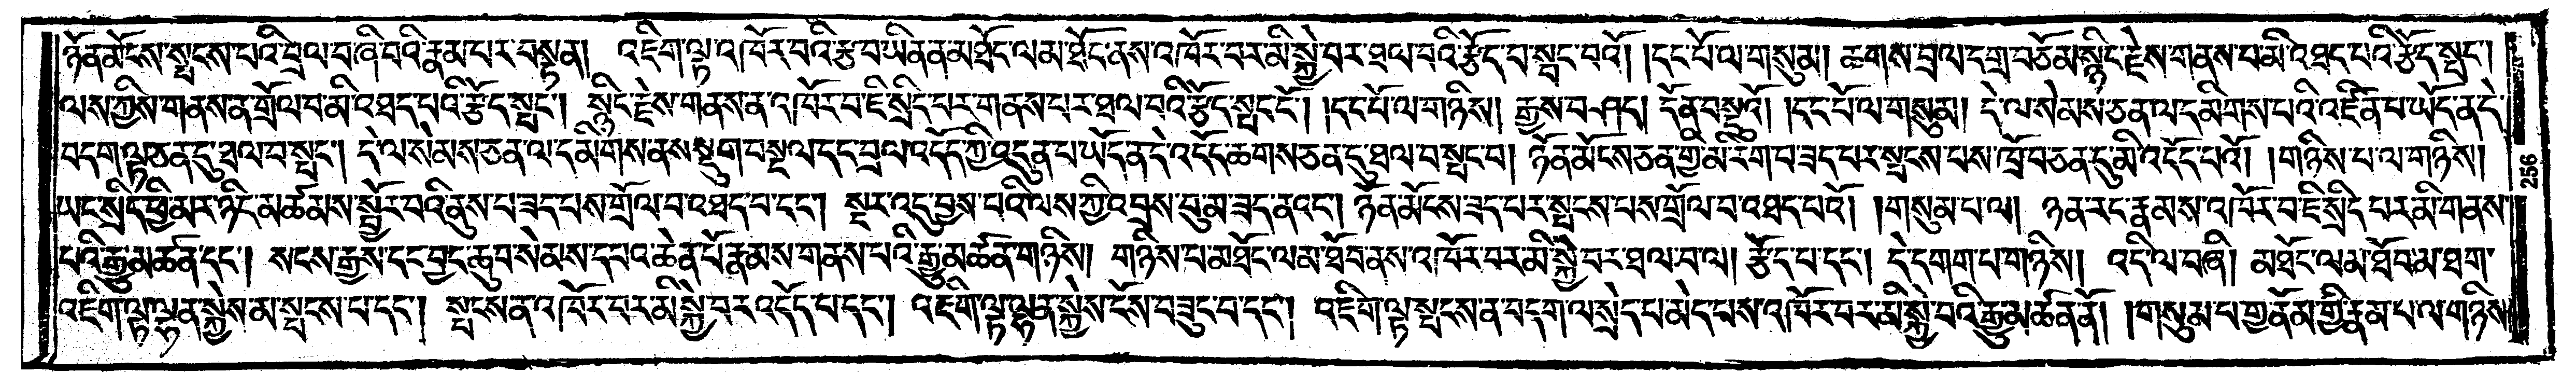ཉོན་མོངས་སྤངས་པའི་བྲལ་བ་ཞི་བའི་རྣམ་པར་བསྟན། འཇིག་ལྟ་འཁོར་བའི་རྩ་བ་ཡིན་ན་མཐོང་ལམ་ཐོང་ནས་འཁོར་བར་མི་སྐྱེ་བར་ཐལ་བའི་རྩོད་པ་སྤང་བའོ། །དང་པོ་ལ་གསུམ། ཆགས་བྲལ་དགྲ་བཅོམ་སྙིང་རྗེས་གནས་པ་མི་འཐད་པའི་རྩོད་སྤང་།
ལས་ཀྱིས་གནས་ན་གྲོལ་བ་མི་འཐད་པའི་རྩོད་སྤང་། སྙིང་རྗེས་གནས་ན་འཁོར་བ་ཇི་སྲིད་པར་གནས་པར་ཐལ་བའི་རྩོད་སྤང་ངོ། །དང་པོ་ལ་གཉིས། རྒྱས་བཤད། དོན་བསྡུའོ། །དང་པོ་ལ་གསུམ། དེ་ལ་སེམས་ཅན་ལ་དམིགས་པའི་འཛིན་པ་ཡོད་ན་དེ་
བདག་ལྟ་ཅན་དུ་ཐལ་བ་སྤང་། དེ་ལ་སེམས་ཅན་ལ་དམིགས་ནས་སྡུག་བསྔལ་དང་བྲལ་འདོད་ཀྱི་འདུན་པ་ཡོད་ན་དེ་འདོད་ཆགས་ཅན་དུ་ཐལ་བ་སྤང་བ། ཉོན་མོངས་ཅན་གྱི་མ་རིག་པ་ཟད་པར་སྤངས་པས་ཁྲོ་བ་ཅན་དུ་མི་འདོད་པའོ། །གཉིས་པ་ལ་གཉིས།
ཡང་སྲིད་ཕྱི་མར་ཉིད་མཚམས་སྦྱོར་བའི་ནུས་པ་ཟད་པས་གྲོལ་བ་འཐད་པ་དང་། སྔར་འདུ་བྱས་པའི་ལས་ཀྱི་འབྲས་བུ་མ་ཟད་ནའང་། ཉོན་མོངས་ཟད་པར་སྤངས་པས་གྲོལ་བ་འཐད་པའོ། །གསུམ་པ་ལ། ཉན་རང་རྣམས་འཁོར་བ་ཇི་སྲིད་པར་མི་གནས་
པའི་རྒྱུ་མཚན་དང་། སངས་རྒྱས་དང་བྱང་ཆུབ་སེམས་དཔའ་ཆེན་པོ་རྣམས་གནས་པའི་རྒྱུ་མཚན་གཉིས། གཉིས་པ་མཐོང་ལམ་ཐོབ་ནས་འཁོར་བར་མི་སྐྱེ་བར་ཐལ་བ་ལ། རྩོད་པ་དང་། དེ་དགག་པ་གཉིས། འདི་ལ་བཞི། མཐོང་ལམ་ཐོབ་མ་ཐག་
འཇིག་ལྟ་ལྷན་སྐྱེས་མ་སྤངས་པ་དང་། སྤངས་ན་འཁོར་བར་མི་སྐྱེ་བར་འདོད་པ་དང་། འཇིག་ལྟ་ལྷན་སྐྱེས་ངོས་བཟུང་བ་དང་། འཇིག་ལྟ་སྤངས་ན་བདག་ལ་སྲེད་པ་མེད་པས་འཁོར་བར་མི་སྐྱེ་བའི་རྒྱུ་མཚན་ནོ། །གསུམ་པ་གྱ་ནོམ་གྱི་རྣམ་པ་ལ་གཉིས་